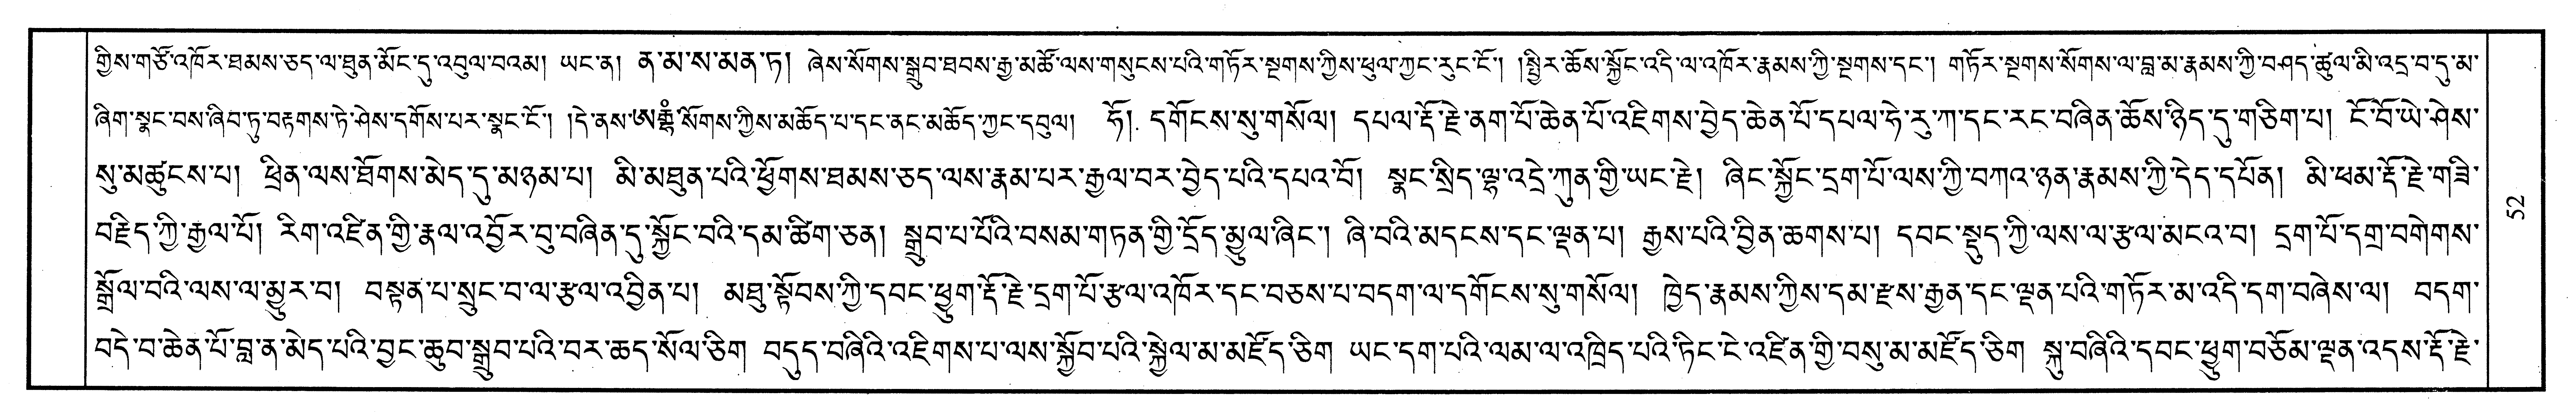གྱིས་གཙོ་འཁོར་ཐམས་ཅད་ལ་ཐུན་མོང་དུ་འབུལ་བའམ། ཡང་ན། ན་མ་ས་མན་ཏ། ཞེས་སོགས་སྒྲུབ་ཐབས་རྒྱ་མཚོ་ལས་གསུངས་པའི་གཏོར་སྔགས་ཀྱིས་ཕུལ་ཀྱང་རུང་ངོ། །སྤྱིར་ཆོས་སྐྱོང་འདི་ལ་འཁོར་རྣམས་ཀྱི་སྔགས་དང་། གཏོར་སྔགས་སོགས་ལ་བླ་མ་རྣམས་ཀྱི་བཤད་ཚུལ་མི་འདྲ་བ་དུ་མ་
ཞིག་སྣང་བས་ཞིབ་ཏུ་བརྟགས་ཏེ་ཤེས་དགོས་པར་སྣང་ངོ། །དེ་ནས་ཨརྒྷཾ་སོགས་ཀྱིས་མཆོད་པ་དང་ནང་མཆོད་ཀྱང་དབུལ། ཧོ། དགོངས་སུ་གསོལ། དཔལ་རྡོ་རྗེ་ནག་པོ་ཆེན་པོ་འཇིགས་བྱེད་ཆེན་པོ་དཔལ་ཧེ་རུ་ཀ་དང་རང་བཞིན་ཆོས་ཉིད་དུ་གཅིག་པ། ངོ་བོ་ཡེ་ཤེས་
སུ་མཚུངས་པ། ཕྲིན་ལས་ཐོགས་མེད་དུ་མཉམ་པ། མི་མཐུན་པའི་ཕྱོགས་ཐམས་ཅད་ལས་རྣམ་པར་རྒྱལ་བར་བྱེད་པའི་དཔའ་བོ། སྣང་སྲིད་ལྷ་འདྲེ་ཀུན་གྱི་ཡང་རྗེ། ཞིང་སྐྱོང་དྲག་པོ་ལས་ཀྱི་བཀའ་ཉན་རྣམས་ཀྱི་དེད་དཔོན། མི་ཕམ་རྡོ་རྗེ་གཟི་
བརྗིད་ཀྱི་རྒྱལ་པོ། རིག་འཛིན་གྱི་རྣལ་འབྱོར་བུ་བཞིན་དུ་སྐྱོང་བའི་དམ་ཚིག་ཅན། སྒྲུབ་པ་པོའི་བསམ་གཏན་གྱི་དྲོད་མྱུལ་ཞིང་། ཞི་བའི་མདངས་དང་ལྡན་པ། རྒྱས་པའི་བྱིན་ཆགས་པ། དབང་སྡུད་ཀྱི་ལས་ལ་རྩལ་མངའ་བ། དྲག་པོ་དགྲ་བགེགས་
སྒྲོལ་བའི་ལས་ལ་མྱུར་བ། བསྟན་པ་སྲུང་བ་ལ་རྩལ་འབྱིན་པ། མཐུ་སྟོབས་ཀྱི་དབང་ཕྱུག་རྡོ་རྗེ་དྲག་པོ་རྩལ་འཁོར་དང་བཅས་པ་བདག་ལ་དགོངས་སུ་གསོལ། ཁྱེད་རྣམས་ཀྱིས་དམ་རྫས་རྒྱན་དང་ལྡན་པའི་གཏོར་མ་འདི་དག་བཞེས་ལ། བདག་
བདེ་བ་ཆེན་པོ་བླ་ན་མེད་པའི་བྱང་ཆུབ་སྒྲུབ་པའི་བར་ཆད་སོལ་ཅིག་བདུད་བཞིའི་འཇིགས་པ་ལས་སྐྱོབ་པའི་སྐྱེལ་མ་མཛོད་ཅིག་ཡང་དག་པའི་ལམ་ལ་འཁྲིད་པའི་ཏིང་ངེ་འཛིན་གྱི་བསུ་མ་མཛོད་ཅིག་སྐུ་བཞིའི་དབང་ཕྱུག་བཅོམ་ལྡན་འདས་རྡོ་རྗེ་